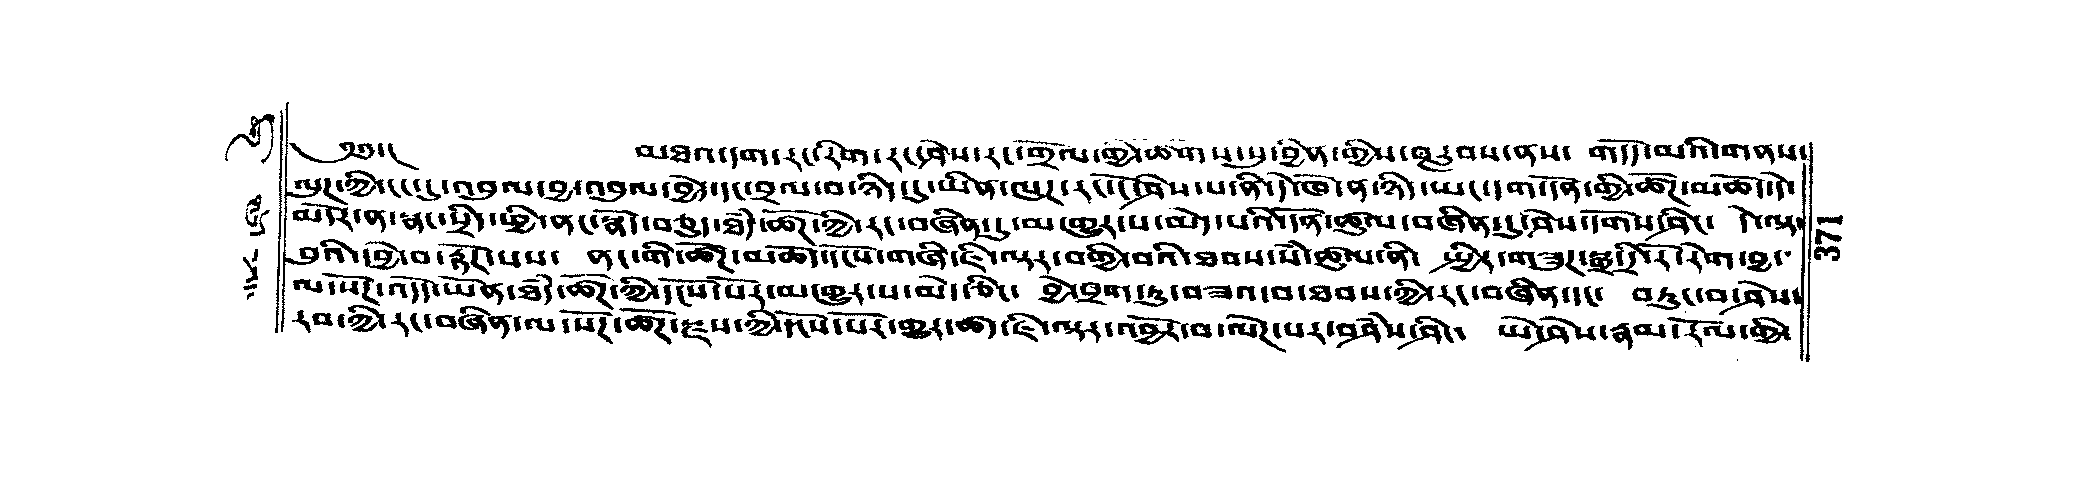མཐའ་དག་རང་རིག་རང་ཤེས་རང་གྲོལ་གྱི་ཚོགས་སུ་བྱིན་གྱིས་བརླབས་ནས། གདོད་མའི་གནས་
ལུགས་ཀྱི་ངང་དུ་འབུལ་བྱ་འབུལ་བྱེད་དང་བྲལ་བ་ཉིད་དུ་ཡིན་ལུགས་རང་ངོ་ཤེས་པ་ནི་དེ་ཁོ་ན་ཉིད་ཡང་དག་དོན་གྱི་ཚོགས་མཆོད་དོ། 
མདོར་ན་སྣང་སྲིད་ཕྱི་ནང་སྣོད་བཅུད་ཐམས་ཅད་ཚོགས་ཀྱི་རང་བཞིན་དུ་མ་གྱུར་པ་མེད་པའི་དོན་ཚུལ་བཞིན་དུ་ཤེས་དགོས་ཤིང་། དེ་ལྟ་
བུའི་དབྱེ་བ་རྟོགས་པས། ནང་གི་ཚོགས་མཆོད་དངོས་གཞི་ཇི་ལྟར་བགྱི་བའི་ཐབས་སམ་ཚུལ་ནི། སྤྱིར་གཟུགས་སྒྲ་དྲི་རོ་རེག་བྱ་
ལ་སོགས་འདོད་ཡོན་ཐམས་ཅད་ཚོགས་ཀྱི་དངོས་པོར་མ་གྱུར་བ་མེད་ཅིང་། བྱེ་བྲག་ཏུ་བཟའ་བ་ཐབས་ཀྱི་རང་བཞིན་དང་། བཏུང་བ་ཤེས་
རབ་ཀྱི་རང་བཞིན་ལ་སོགས་ཚོགས་རྫས་ཀྱི་དངོས་པོར་གྱུར་ཚད་ཇི་ལྟར་འབྱོར་བ་ལེགས་པར་བཤམས་ཤིང་། ཡེ་ཤེས་རྣམ་རོལ་གྱི་